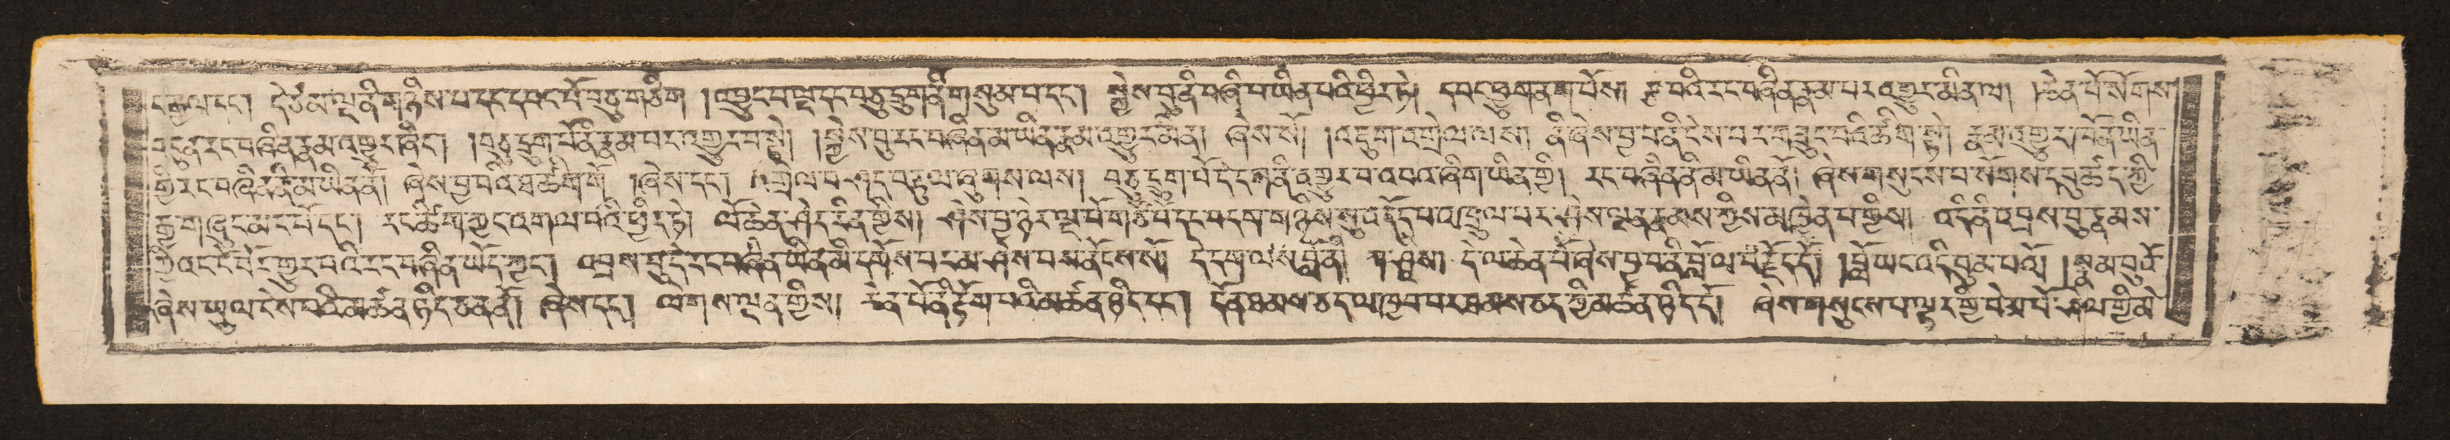ང་རྒྱལ་དང་། དེ་ཙམ་ལྔ་ནི་གཉིས་པ་དང་དབང་པོ་བཅུ་གཅིག །འབྱུང་བ་ལྔ་དང་བཅུ་དྲུག་ནི་གསུམ་བ་དང་། སྐྱེས་བུ་ནི་བཞི་བ་ཡིན་པའི་ཕྱིར་ཏེ། དབང་ཕྱུག་ནག་པོས། རྩ་བའི་རང་བཞིན་རྣམ་པར་འགྱུར་མིན་ལ། །ཆེན་པོ་སོགས་
བདུན་རང་བཞིན་རྣམ་འགྱུར་ཞིང་། །བཅུ་དྲུག་པོ་ནི་རྣམ་པར་འགྱུར་བ་སྟེ། །སྐྱེས་བུ་རང་བཞིན་མ་ཡིན་རྣམ་འགྱུར་མིན། ཞེས་སོ། །འཇུག་འགྲེལ་ལས། ནི་ཞེས་བྱ་བ་ནི་ངེས་པར་གཟུང་བའི་ཚིག་སྟེ། རྣམ་འགྱུར་ཁོ་ན་ཡིན་
གྱི་རང་བཞིན་ནི་མ་ཡིན་ནོ། ཞེས་བྱ་བའི་ཐ་ཚིག་གོ །ཞེས་དང་། འགྲེལ་བཤད་བརྟུལ་ཞུགས་ལས། བཅུ་དྲུག་པོ་དེ་དག་ནི་འགྱུར་བ་འབའ་ཞིག་ཡིན་གྱི། རང་བཞིན་ནི་མ་ཡིན་ནོ། ཞེས་གསུངས་པ་སོགས་དབུ་ཚད་ཀྱི་
རྒྱ་གཞུང་མང་པོ་དང་། རང་ཚིག་ཀྱང་འགལ་བའི་ཕྱིར་ཏེ། ལོ་ཆེན་ཤེར་རིན་གྱིས། ཤེས་བྱ་ཉེར་ལྔ་པོ་གཙོ་བོ་དང་བདག་གཉིས་སུ་འདོད་བ་འཁྲུལ་པར་ཤེས་ལྡན་རྣམས་ཀྱིས་མཁྱེན་པ་གྱིས། འདི་ནི་འབྲས་བུ་རྣམས་
ཀྱི་འང་ངོ་བོར་གྱུར་བའི་རང་བཞིན་ཡོད་ཀྱང་། འབྲས་བུ་དེ་རང་བཞིན་ཡིན་མི་དགོས་པར་མ་ཤེས་པས་ནོངས་སོ། དེ་དག་ལས་བློ་ནི། ཀ་ཤཱིས། དེ་ལ་ཆེན་པོ་ཞེས་བྱ་བ་ནི་བློ་ལ་བརྗོད་དོ། །བློ་ཡང་འདི་བུམ་པའོ། །སྣམ་བུའོ་
ཞེས་ཡུལ་ངེས་པའི་མཚན་ཉིད་ཅན་ནོ། ཞེས་དང་། ལེགས་ལྡན་གྱིས། ཆེན་བོ་ནི་རྟོག་པའི་མཚན་ཉིད་དང་། དོན་ཐམས་ཅད་ལ་ཁྱབ་པར་ཐམས་ཅད་ཀྱི་མཚན་ཉིད་དོ། ཞེས་གསུངས་པ་ལྟར་གྱི་བེམ་པོ་ཤེལ་གྱི་མེ་